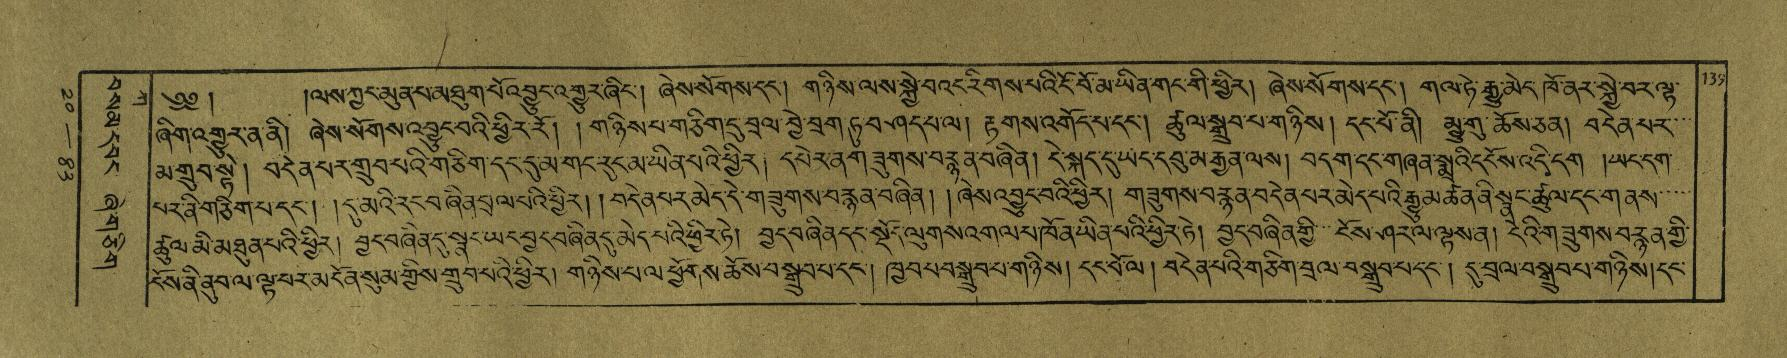༄༅། །ལས་ཀྱང་མུན་པ་མཐུག་པོ་འབྱུང་འགྱུར་ཞིང་། ཞེས་སོགས་དང་། གཉིས་ལས་སྐྱེ་བའང་རིགས་པའི་ངོ་བོ་མ་ཡིན་གང་གི་ཕྱིར། ཞེས་སོགས་དང་། གལ་ཏེ་རྒྱུ་མེད་ཁོ་ནར་སྐྱེ་བར་ལྟ་
ཞིག་འགྱུར་ན་ནི། ཞེས་སོགས་འབྱུང་བའི་ཕྱིར་རོ། །གཉིས་པ་གཅིག་དུ་བྲལ་བྱེ་བྲག་ཏུ་བཤད་པ་ལ། རྟགས་འགོད་པ་དང་། ཚུལ་སྒྲུབ་པ་གཉིས། དང་པོ་ནི། མྱུ་གུ་ཆོས་ཅན། བདེན་པར་
མ་གྲུབ་སྟེ། བདེན་པར་གྲུབ་པའི་གཅིག་དང་དུ་མ་གང་རུང་མ་ཡིན་པའི་ཕྱིར། དཔེར་ན་གཟུགས་བརྙན་བཞིན། དེ་སྐད་དུ་ཡང་དབུ་མ་རྒྱན་ལས། བདག་དང་གཞན་སྨྲའི་དངོས་འདི་དག །ཡང་དག་
པར་ནི་གཅིག་པ་དང་། །དུ་མའི་རང་བཞིན་བྲལ་པའི་ཕྱིར། །བདེན་པར་མེད་དེ་གཟུགས་བརྙན་བཞིན། །ཞེས་འབྱུང་བའི་ཕྱིར། གཟུགས་བརྙན་བདེན་པར་མེད་པའི་རྒྱུ་མཚན་ནི་སྣང་ཚུལ་དང་གནས་
ཚུལ་མི་མཐུན་པའི་ཕྱིར། བྱང་བཞིན་དུ་སྣང་ཡང་བྱང་བཞིན་དུ་མེད་པའི་ཕྱིར་ཏེ། བྱད་བཞིན་དང་སྡོད་ལུགས་འགལ་པ་ཁོ་ན་ཡིན་པའི་ཕྱིར་ཏེ། བྱང་བཞིན་གྱི་ངོས་ཤར་ལ་ལྟས་ན། དེའི་གཟུགས་བརྙན་གྱི་
ངོས་ནི་ནུབ་ལ་ལྟ་པར་མངོན་སུམ་གྱིས་གྲུབ་པའི་ཕྱིར། གཉིས་པ་ལ་ཕྱོགས་ཆོས་བསྒྲུབ་པ་དང་། ཁྱབ་པ་བསྒྲུབ་པ་གཉིས། དང་པོ་ལ། བདེན་པའི་གཅིག་བྲལ་བསྒྲུབ་པ་དང་། དུ་བྲལ་བསྒྲུབ་པ་གཉིས། དང་